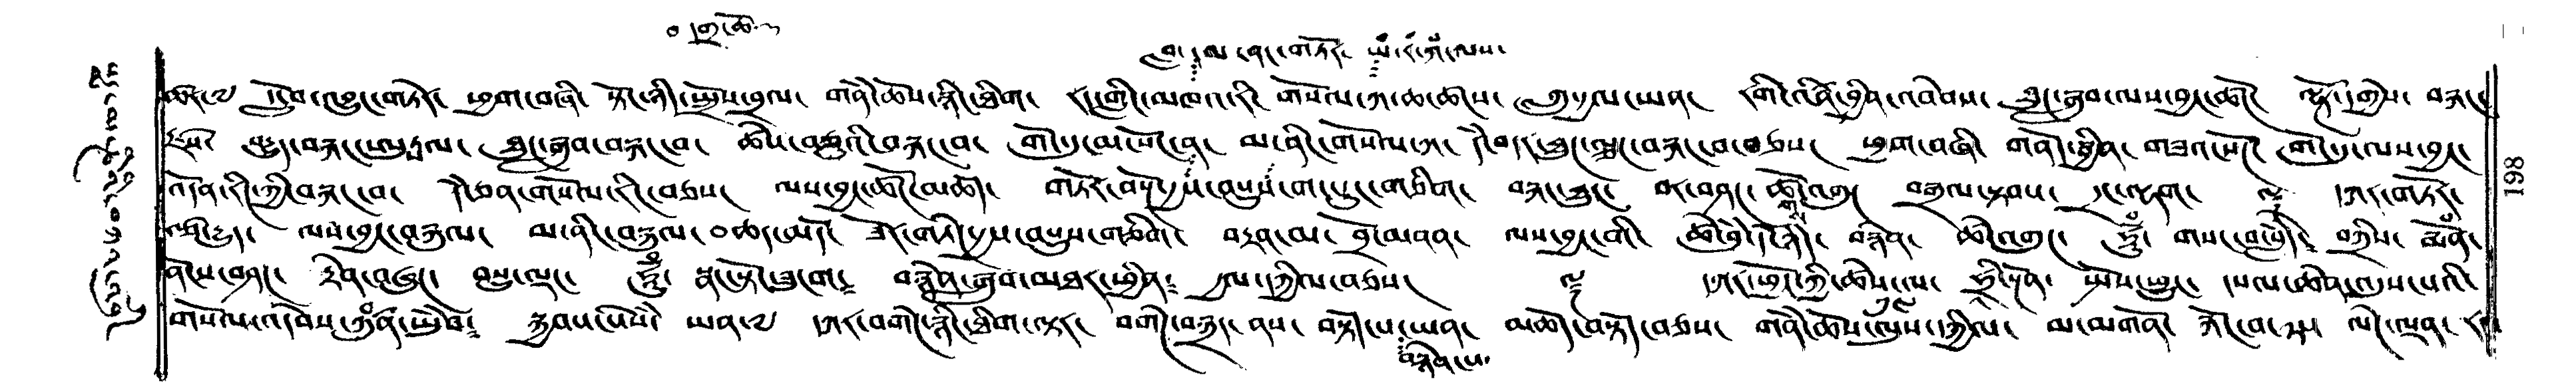ཚར་བདུན། དངོས་གྲུབ་འབྱུང་གཏེར། ཕྱག་བཞི། སྟོང་ཉིད་སྤྲོས་བྲལ༴ གནམ་ཆོས་སྙིང་ཐིག རཏ་གླིང་མཁའ་རི། གསོལ་ཀ་ཆ་ཚང་ཀླུ་རྒྱལ་ཡན། རིག་འཛིན་བྱིན་འབེབས། ཐུགས་སྒྲུབ་ལས་བྱང་ཚོགས། ལྷ་ཚོགས་དགྱེས༴ བསྐང་
རྫས། བརྒྱུད་བསྐང་ཨུཏྤལམ། ཐུགས་སྒྲུབ་བསྐང་བ། ཚེས་བཅུའི་བསྐང་བ། གོང་དུ་མ་སོང་ན་མ་ནིང་གསོལ་ཀ དམ་བདར་བསྐང་བ་བཅས། ཕྱག་བཞི། གནོད་སྦྱིན། གཟའ་སོགས། གོང་དུ་ལས་བྱང་
བཏོན་རིགས་ཀྱི་བསྐང་བ། དམ་ཅན་གསོལ་རིང་བཅས། ལས་བྱང་ཚོགས་མཆོད། གཏོར་བསྔོ་རྒྱས་བསྡུས་གང་རུང་གཅིག བསྐང་ཐུང་། བར་བཤགས། ཚོགས་འགུགས། སྒྲལ་སྟབ། དྲང་ལྷག ༈ དཀར་གཏོར་
རྩ་རྒྱུད། ལས་བྱང་བསྐུལ། མ་ནིང་བསྐུལ། ཆད་མདོ། ཟོར་བཏེགས་རྒྱས་བསྡུས་གང་རུང་གཅིག བརྟན་མ། བྲོ་མནན། ལས་བྱང་གི ཚེ་བུམ་དེ་ཉིད༴ བསྙེན། ཚེ་འགུགས། ཧཱུྃ༔ གསང་བ་བླ་མེད༴ བཀྲ་ཤིས། སྨོན་
ལམ། ནོངས་བཤགས། རྟེན་བཞུགས། བསྡུ་ལྡང་། ཧཱུྃ༔ སྣང་སྟོང་ཟུང་འཇུག༴ སྙེན་སྒྲུབ་མཐར་ཕྱིན༴ རྒྱལ་བའི་དཀྱིལ་འཁོར༴ བཅས། ༈ དཀར་ཕྱོགས་ཀྱི་ཚེས་བཅུ་བཞི། ཧྲཱིཿསྔོན༴ སྤོས་ཕྱུང་། དཔལ་ཆེན་འདུས་པའི་
གསོལ་འདེབས། ཀུན་བཟང་ཡབ་ཡུམ༴སྐྱབས་སེམས། ཡན་བདུན། དཀར་བགེགས་སྙིང་ཐིག་ལྟར། བགེགས་བསྐྲད་ནས། བསྟོད་པ། སྙེན་པ་ཡན། མཆོད་བསྟོད་བཅས། གནམ་ཆོས་ལུས་དཀྱིལ། མ་མགོན། སྐོང་བ་ཉེར་ལྔ། ལེགས་ལྡན།